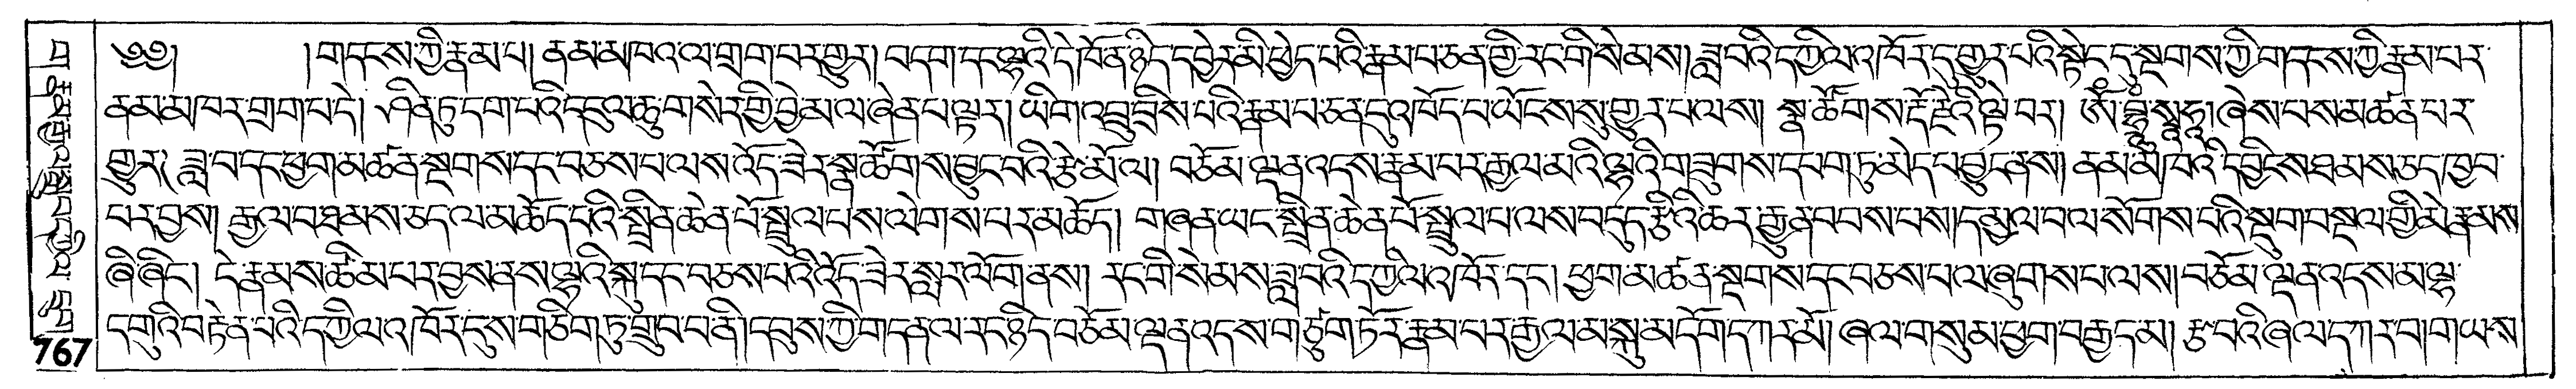༄༅། །གདངས་ཀྱི་རྣམ་པ། ནམ་མཁའ་ལ་གྲག་པར་གྱུར། བདག་དང་ལྷའི་དེ་ཁོ་ན་ཉིད་དབྱེར་མི་ཕྱེད་པའི་རྣམ་པ་ཅན་གྱི་རང་གི་སེམས། ཟླ་བའི་དཀྱིལ་འཁོར་དུ་གྱུར་པའི་སྟེང་དུ་སྔགས་ཀྱི་རྣམ་པར་
ནམ་མཁར་གྲག་པ་དེ། ཤིན་ཏུ་དག་པའི་དངུལ་ཆུ་གསེར་གྱི་བྱེ་མ་ལ་ཞེན་པ་ལྟར། ཡིག་འབྲུ་བྲིས་པའི་རྣམ་པ་ཅན་དུ་འཁོད་པ་ཡོངས་སུ་གྱུར་པ་ལས། སྣ་ཚོགས་རྡོ་རྗེའི་ལྟེ་བར། ཨོཾ་བྷྲཱུཾ་སྭཱཧཱ། ཞེས་པས་མཚན་པར་
གྱུར། ཟླ་བ་དང་ཕྱག་མཚན་སྔགས་དང་བཅས་པ་ལས་འོད་ཟེར་སྣ་ཚོགས་བྱུང་བའི་རྩེ་མོ་ལ། བཅོམ་ལྡན་འདས་རྣམ་པར་རྒྱལ་མའི་ལྷའི་གཟུགས་དཔག་ཏུ་མེད་པ་བྱུང་ནས། ནམ་མཁའི་དབྱིངས་ཐམས་ཅད་ཁྱབ་
པར་བྱས། རྒྱལ་བ་ཐམས་ཅད་ལ་མཆོད་པའི་སྤྲིན་ཆེན་པོ་སྤྲུལ་པས་ལེགས་པར་མཆོད། གཞན་ཡང་སྤྲིན་ཆེན་པོ་སྤྲུལ་པ་ལས་བདུད་རྩིའི་ཆར་རྒྱུན་བབས་པས། དམྱལ་བ་ལ་སོགས་པའི་སྡུག་བསྔལ་གྱི་མེ་རྣམས་
ཞི་ཞིང་། དེ་རྣམས་ཚིམ་པར་བྱས་ནས་ལྷའི་སྐུ་དང་བཅས་པའི་འོད་ཟེར་སླར་ལོག་ནས། རང་གི་སེམས་ཟླ་བའི་དཀྱིལ་འཁོར་དང་། ཕྱག་མཚན་སྔགས་དང་བཅས་པ་ལ་ཞུགས་པ་ལས། བཅོམ་ལྡན་འདས་མ་ལྷ་
དགུའི་བརྟེན་པའི་དཀྱིལ་འཁོར་དུས་གཅིག་ཏུ་གྲུབ་པ་ནི། དབུས་ཀྱི་གདན་ལ་རང་ཉིད་བཅོམ་ལྡན་འདས་གཙུག་ཏོར་རྣམ་པར་རྒྱལ་མ་སྐུ་མདོག་དཀར་མོ། ཞལ་གསུམ་ཕྱག་བརྒྱད་མ། རྩ་བའི་ཞལ་དཀར་བ། གཡས་